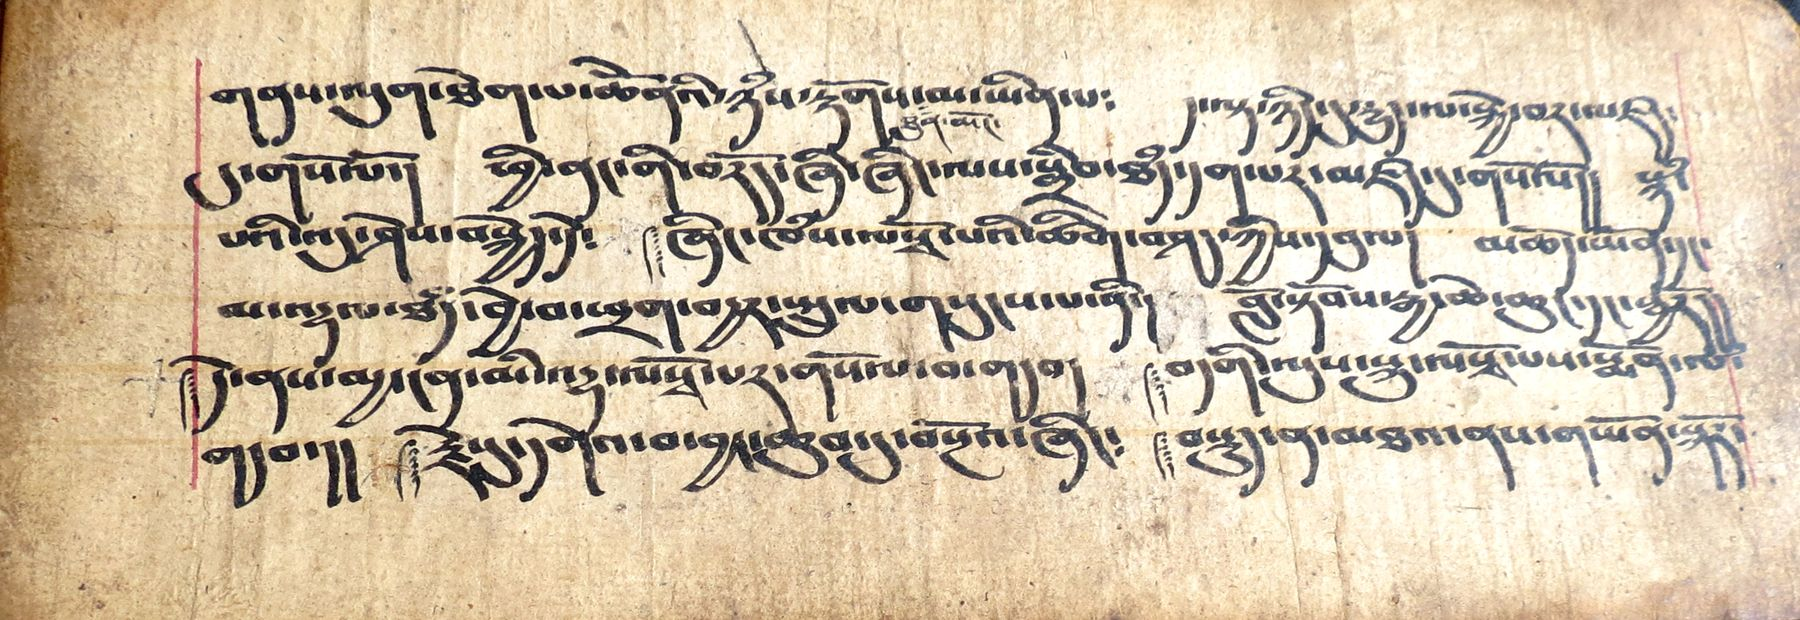གནས་ལུགས་ཐེག་པ་ཆེན་པོའི་ཉམས་རྟོགས་ཐུན་མོང་མ་ཡིན་པ་ད་ལྟ་ཉིད་དུ་རྒྱུད་ལ་སྐྱེ་བར་མཛད་
དུ་གསོལ། ཕྱི་ནང་གི་བར་ཆོད་ཞི་ཞིང་ལས་སྒྲིབ་ཐམས་ཅད་དག་པར་མཛད་དུ་གསོལ་ལོ། ། སྙམ་
པའི་འདུ་ཤེས་བསྐྱེད་དེ་ཞིང་ཁམས་ལ་སོགས་པའི་ཚིག་བཤད་ཀྱིས་དབུལ། མཆོད་ཡོན་དང་
མཎྜལ་ཐམས་ཅད་བྱེ་བ་ཕྲག་བརྒྱར་སྤྲུལ། གསུངས་པ་ནི་བློ་སྟོབས་རྒྱ་ཆེ་ཆུང་དང་སྦྱར་རོ། 
དེ་ནས་མྱ་ངན་མི་འདའ་ལ་སོགས་པར་གསོལ་བ་གདབ། བདག་གི་ལུས་སྐུ་ལ་སོགས་ཀྱི་སྨོན་ལམ་
བཏབ། རྗེས་སུ་དགེ་བ་བྱང་ཆུབ་ཏུ་བསྔོ་ཞིང་། བསྡུད་ན་མཐའ་ནས་གཡོན་བསྐོར་